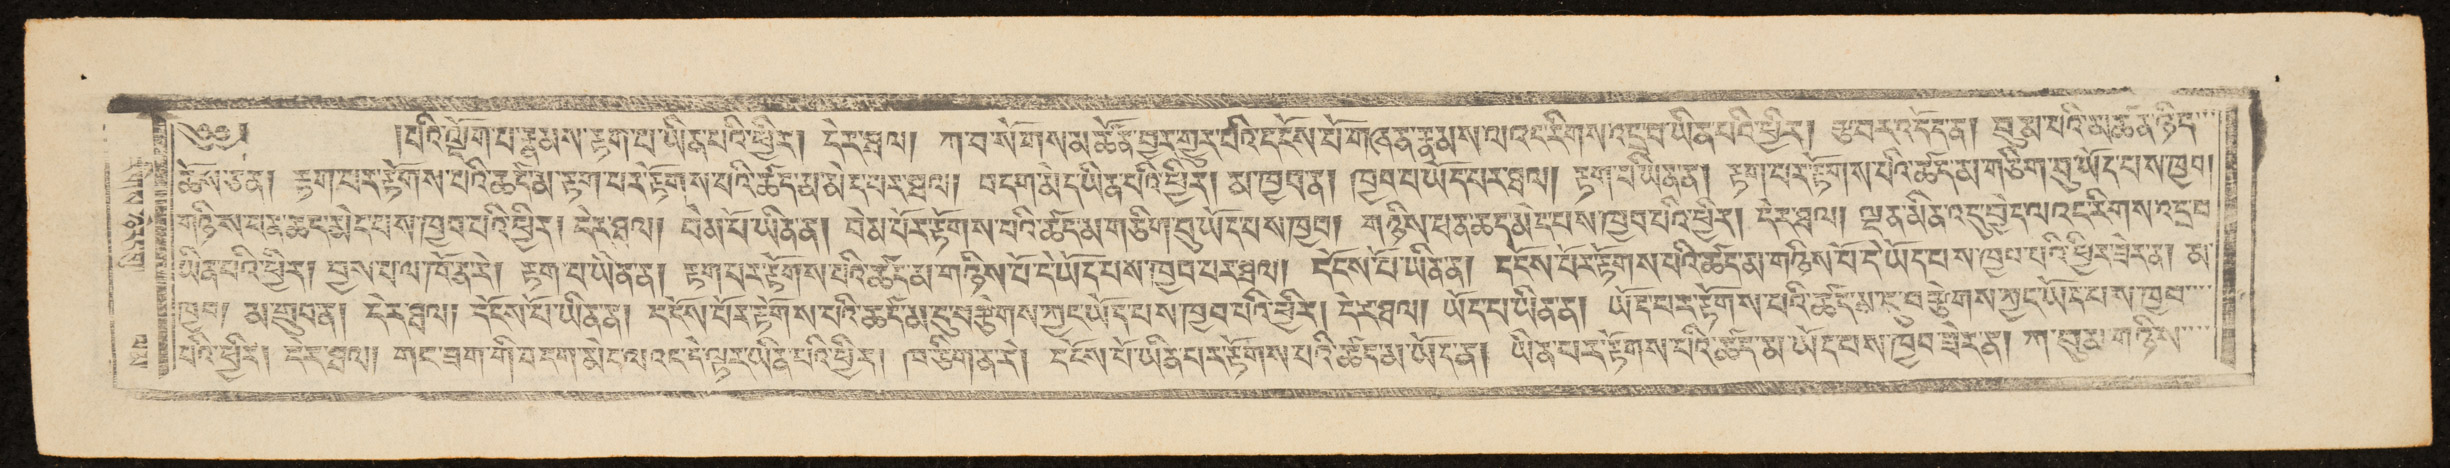༄༅། །པའི་ལྡོག་པ་རྣམས་རྟག་པ་ཡིན་པའི་ཕྱིར། དེར་ཐལ། ཀ་བ་སོགས་མཚོན་བྱར་གྱུར་པའི་དངོས་པོ་གཞན་རྣམས་ལའང་རིགས་འདྲ་བ་ཡིན་པའི་ཕྱིར། རྩ་བར་འདོད་ན། བུམ་པའི་མཚན་ཉིད་
ཆོས་ཅན། རྟག་པར་རྟོགས་པའི་ཚད་མ་རྟག་པར་རྟོགས་པའི་ཚད་མ་མེད་པར་ཐལ། བདག་མེད་ཡིན་པའི་ཕྱིར། མ་ཁྱབ་ན། ཁྱབ་པ་ཡོད་པར་ཐལ། རྟག་པ་ཡིན་ན། རྟག་པར་རྟོགས་པའི་ཚད་མ་གཅིག་བུམ་ཡོད་པས་ཁྱབ།
གཉིས་ཕན་ཆད་མེད་པས་ཁྱབ་པའི་ཕྱིར། དེར་ཐལ། བེམ་པོ་ཡིན་ན། བེམ་པོར་རྟོགས་པའི་ཚད་མ་གཅིག་པུ་ཡོད་པས་ཁྱབ། གཉིས་ཕན་ཆད་མེད་པས་ཁྱབ་པའི་ཕྱིར། དེར་ཐལ། ལྡན་མིན་འདུ་བྱེད་ལའང་རིགས་འདྲ་བ་
ཡིན་པའི་ཕྱིར། བྱས་པ་ལ་ཁོ་ན་རེ། རྟག་པ་ཡིན་ན། རྟག་པར་རྟོགས་པའི་ཚད་མ་གཉིས་པོ་དེ་ཡོད་པས་ཁྱབ་པར་ཐལ། དངོས་པོ་ཡིན་ན། དངོས་པོར་རྟོགས་པའི་ཚད་མ་གཉིས་པོ་དེ་ཡོད་པས་ཁྱབ་པའི་ཕྱིར་ཟེར་ན། མ་
ཁྱབ། མ་གྲུབ་ན། དེར་ཐལ། དངོས་པོ་ཡིན་ན། དངོས་པོར་རྟོགས་པའི་ཚད་མ་དུ་བརྩིགས་ཀྱང་ཡོད་པས་ཁྱབ་པའི་ཕྱིར། དེར་ཐལ། ཡོད་པ་ཡིན་ན། ཡོད་པར་རྟོགས་པའི་ཚད་མ་དུ་བརྩེགས་ཀྱང་ཡོད་པས་ཁྱབ་
པའི་ཕྱིར། དེར་ཐལ། གང་ཟག་གི་བདག་མེད་ལའང་དེ་ལྟར་ཡིན་པའི་ཕྱིར། ཁ་ཅིག་ན་རེ། དངོས་པོ་ཡིན་པར་རྟོགས་པའི་ཚད་མ་ཡོད་ན། ཡིན་པར་རྟོགས་པའི་ཚད་མ་ཡོད་པས་ཁྱབ་ཟེར་ན། ཀ་བུམ་གཉིས་